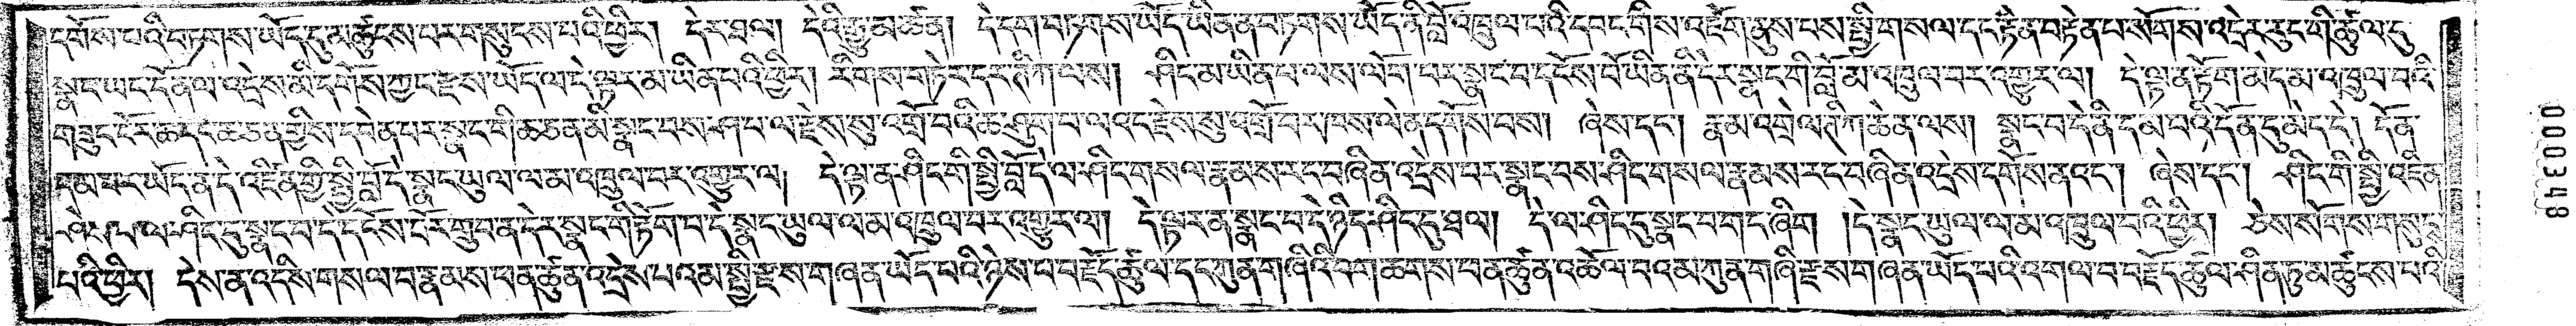དགོས་བའི་བཏགས་ཡོད་དུ་མཚུངས་པར་གསུངས་པའི་ཕྱིར། དེར་ཐལ། དེའི་རྒྱུ་མཚན། དེ་དག་བཏགས་ཡོད་ཡིན་ན་བཏགས་ཡོད་ནི་བློ་འཁྲུལ་པའི་དབང་གིས་འཇོག་ནུས་པས་སྤྱི་གསལ་དང་རྟེན་བརྟེན་པ་སོགས་འདྲེན་རུང་གི་ཚུལ་དུ་
སྣང་ཡང་དོན་ལ་འདྲེས་མི་དགོས་ཀྱང་རྫས་ཡོད་ལ་དེ་ལྟར་མ་ཡིན་པའི་ཕྱིར། རིགས་གཏེར་དར་ཊིཀ་ལས། ཤིང་མ་ཡིན་པ་ལས་ལོག་བར་སྣང་བ་དངོས་པོ་ཡིན་ནི་དེར་སྣང་གི་བློ་མ་འཁྲུལ་བར་འགྱུར་ལ། དེ་ལྟ་ན་རྟོག་མེད་མ་འཕུལ་བའི་
གཟུང་དོར་ཆ་དང་ཆ་ཅན་གྱིས་དབེན་པར་སྣང་གི་ཆ་ཅན་མི་སྣང་བས་ཤ་པ་ལ་རྗེས་སུ་འགྲོ་བའི་ཆ་ཤུག་པ་ལའང་རྗེས་སུ་འགྲོ་བར་ཁས་ལེན་དགོས་པས། ཞེས་དང་། རྣམ་འགྲེལ་ཊིཀ་ཆེན་ལས། སྣང་བ་དེ་ནི་དམ་བའི་དོན་དུ་མེད་དེ། དོན་
དམ་པར་ཡོད་ན་དེ་འཛིན་གྱི་སྤྱི་བློ་དེ་སྣང་ཡུལ་ལམ་འཁྲུལ་བར་འགྱུར་ལ། དེ་ལྟ་ན་ཤིང་གི་སྤྱི་བློ་དེ་ལ་ཤིང་གསལ་རྣམས་རང་བཞིན་འདྲེས་པར་སྣང་བས་ཤིང་གསལ་རྣམས་རང་བཞིན་འདྲེས་དགོས་ནའང་། ཞེས་དང་། ཤིང་གི་སྤྱི་འཛིན་
ཤེས་པ་ལ་ཤིང་དུ་སྣང་བ་དེ་དངོས་པོར་གྲུབ་ན་དེར་སྣང་གི་རྟོག་པ་དེ་སྣང་ཡུལ་ལམ་འཁྲུལ་བར་འགྱུར་ལ། དེ་ལྟར་ན་སྣང་བ་དེ་ཉིད་ཤིང་དུ་ཐལ། དེ་ལ་ཤིང་དུ་སྣང་བ་གང་ཞིག །དེ་སྣང་ཡུལ་ལ་མ་འཁྲུལ་པའི་ཕྱིར། ཅེས་སོགས་གསུངས་
བའི་ཕྱིར། དེས་ན་འདིས་གསལ་བ་རྣམས་ཕན་ཚུན་འདྲེས་པའམ་སྤྱི་རྫས་གཞན་ཡོད་པའི་ཉེས་པ་བརྗོད་ཚུལ་དང་ཀུན་གཞིའི་བག་ཆགས་ཕན་ཚུན་འཆོལ་བའམ་ཀུན་གཞི་རྫས་གཞན་ཡོད་པའི་འགལ་བ་བརྗོད་ཚུལ་ཤིན་ཏུ་མཚུངས་པའི་